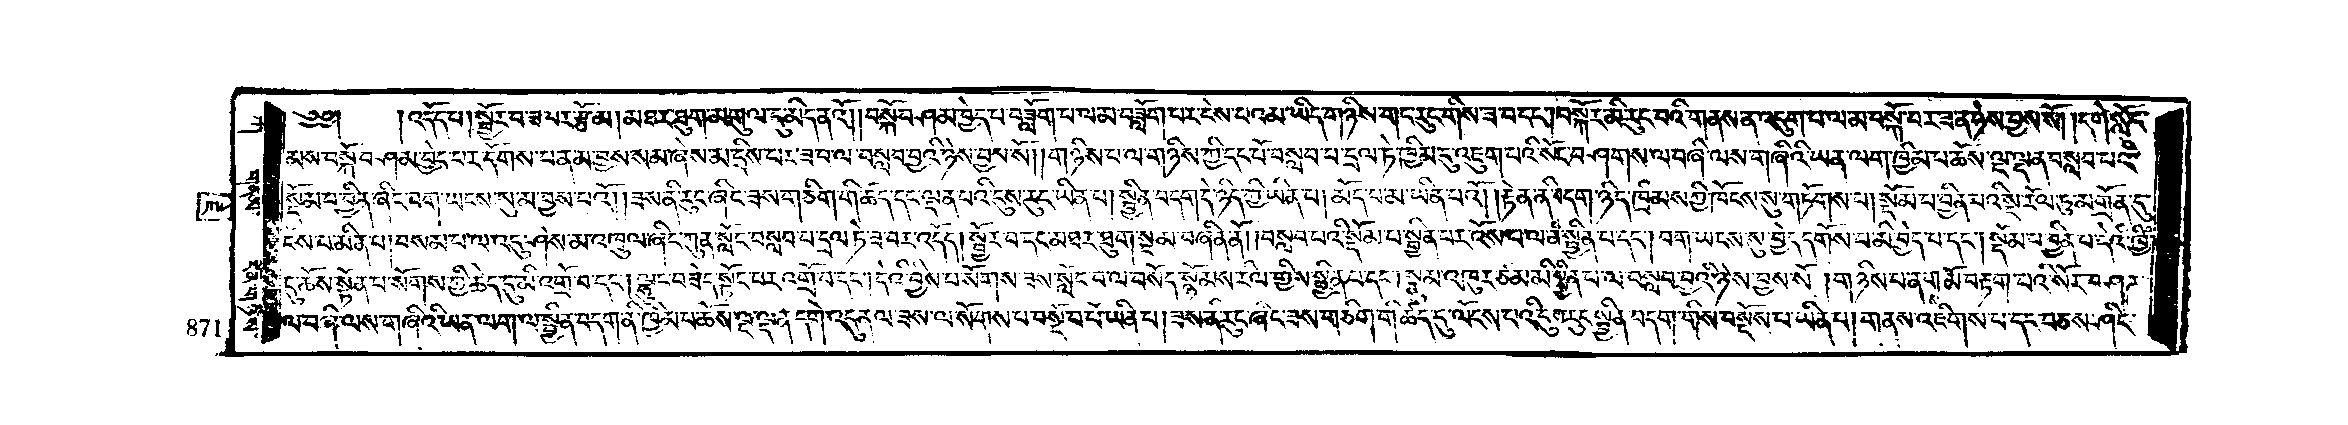༄༅། །འདོད་པ། སྦྱོར་བ་ཟ་པར་རྩོམ། མཐར་ཐུག་མགུལ་དུ་མིད་ནའོ། །བསྐོ་བཤམ་བྱེད་པ་བཟློག་པ་ལམ་བཟློག་པར་ངེས་པའམ་ཡིད་གཉིས་གང་རུང་གིས་ཟ་བ་དང་། བསྐོར་མི་རུང་བའི་གནས་ན་འདུག་པ་ལམ་བསྐོ་བར་ཟ་ན་ཉེས་བྱས་སོ། །དགེ་སློང་
མས་བསྐོ་བཤམ་བྱེད་པར་དོགས་པ་ན་མ་བྱས་སམ་ཞེས་མ་དྲིས་པར་ཟ་བ་ལ་བསླབ་བྱའི་ཉེས་བྱས་སོ། །གཉིས་པ་ལ་གཉིས་ཀྱི་དང་པོ་བསླབ་པ་དྲལ་ཏེ་ཁྱིམ་དུ་འཇུག་པའི་སོང་བཤགས་ལ་བཞི་ལས་གཞིའི་ཡན་ལག་ཁྱིམ་པ་ཆོས་ལྔ་ལྡན་བསླབ་པའི་
སྡོམ་པ་བྱིན་ཞིང་བག་ཡངས་སུ་མ་བྱས་པའོ། །ཟས་ནི་རུང་ཞིང་ཟས་གཅིག་གི་ཚད་དང་ལྡན་པའི་དུས་རུང་ཡིན་པ། སྦྱིན་བདག་དེ་ཉིད་ཀྱི་ཡིན་པ། མོད་པ་མ་ཡིན་པའོ། །རྟེན་ནི་བདག་ཉིད་ཁྲིམས་ཀྱི་ཁོངས་སུ་གཏོགས་པ། སྡོམ་པ་བྱིན་པའི་སྔ་རོལ་ཏུ་མགྲོན་དུ་
ངོས་པ་མིན་པ། བསམ་པ་ལ་འདུ་ཤེས་མ་འཁྲུལ་ཞིང་ཀུན་སློང་བསླབ་པ་དྲལ་ཏེ་ཟ་བར་འདོད། སྦྱོར་བ་དང་མཐར་ཐུག་སྔ་མ་བཞིན་ནོ། །བསླབ་པའི་སྡོམ་པ་སྦྱིན་པར་འོས་པ་ལ་ནི་སྦྱིན་པ་དང་། བག་ཡོངས་སུ་བྱེད་དགོས་པ་མི་བྱེད་པ་དང་། སྡོམ་པ་བྱིན་པ་དེའི་ཁྱིམ་
དུ་ཆོས་སྟོན་པ་སོགས་ཀྱི་ཆེད་དུ་མི་འགྲོ་བ་དང་། ལྷུང་བཟེད་སྟོང་པར་འགྲོ་བ་དང་། དེའི་བྱིས་པ་སོགས་ཟས་སློང་བ་ལ་བསོད་སྙོམས་རིལ་གྱིས་སྦྱིན་པ་དང་། སྣུམ་འཁུར་ཙམ་མི་སྦྱིན་པ་ལ་བསླབ་བྱའི་ཉེས་བྱས་སོ། །གཉིས་པ་ནགས་མོ་བརྟག་པའི་སོར་བཤགས་
ལ་བཞི་ལས་གཞིའི་ཡན་ལག་ལ་སྦྱིན་བདག་ནི་ཁྱིམ་པ་ཆོས་ལྔ་ལྡན་དགེ་འདུན་ལ་ཟས་ལ་སོགས་པ་བསྔོ་བ་པོ་ཡིན་པ། ཟས་ནི་རུང་ཞིང་ཟས་གཅིག་གི་ཚད་དུ་ལོངས་པའི་དུག་རུང་སྦྱིན་བདག་གིས་བསྔོས་པ་ཡིན་པ། གནས་འཇིགས་པ་དང་བཅས་ཤིང་